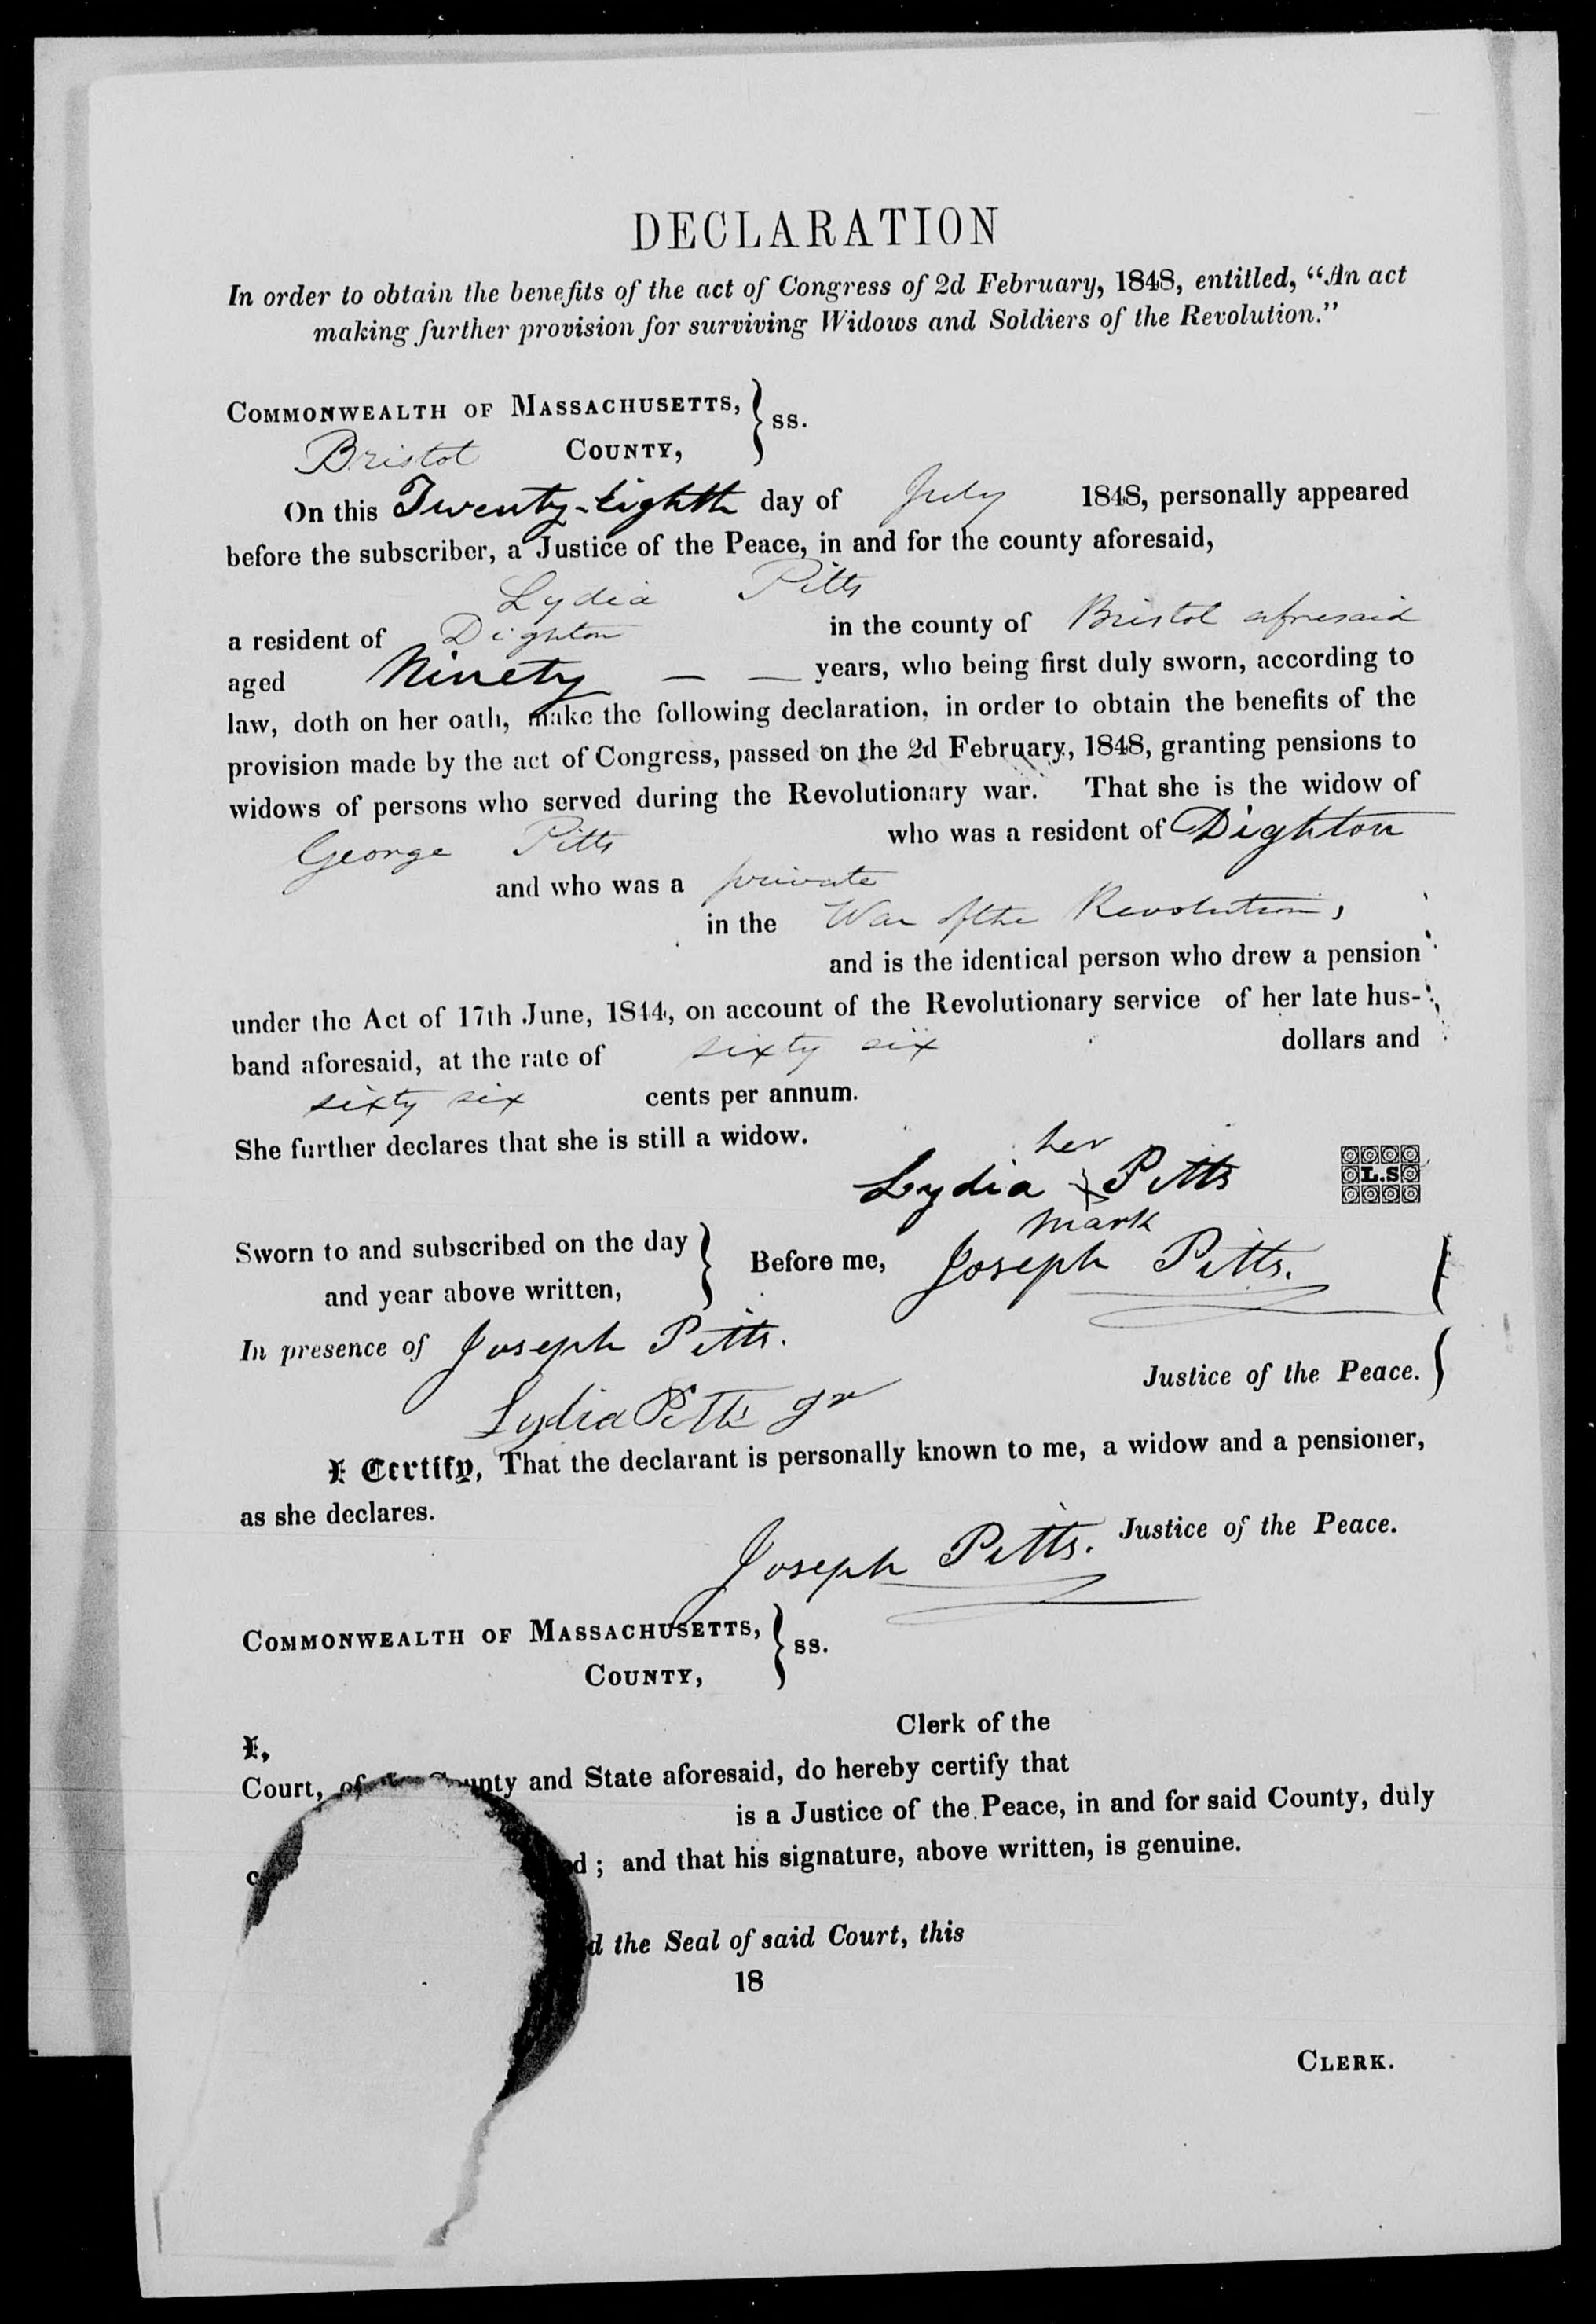DECLARATION
In order to obtain the benefits of the act of Congress of 2d February, 1848, entitled "An act
making further provision for surviving Widows and Soldiers of the Revolution."
COMMONWEALTH OF MASSACHUSETTS,
Bristol COUNTY,
On this Twenty-eighth day of July 1848, personally appeared
before the subscriber, a Justice of the Peace, in and for the county aforesaid,
Lydia Pitts
a resident of Dighton in the county of Bristol aforesaid 
aged Ninty years, who being first duly sworn, according to
law, doth on her oath, make the following declaration, in order to obtain the benefits of the
provision made by the act of Congress, passed on the 2d February 1848, granting pensions to
widows of persons who served during the Revolutionary war. That she is the widow of
George Pitts who was a resident of Dighton
and who was a private
in the War of the Revolution,
and is the identical person who drew a pension
under the Act of 17th June, 1844, on account of the Revolutionary service of her late husband
aforesaid, at the rate of sixty six dollars and
sixty-six cents per annum.
She further declares that she is still a widow.
.Lydia Pitts, her mark
Sworn to and subscribed on the day 
and year above written, 
In the presence of Joseph Pitts, Justice of the Peace
I Certify That the declarant is personally known to me, a widow and a pensioner,
Joseph Pitts, Justice of the Peace
COMMONWEALTH OF MASSACHUSETTS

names: George Pitts; Lydia Pitts; Joseph Pitts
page: 45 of 54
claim: widow's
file: W. 26,897, for George Pitts, Massachusetts